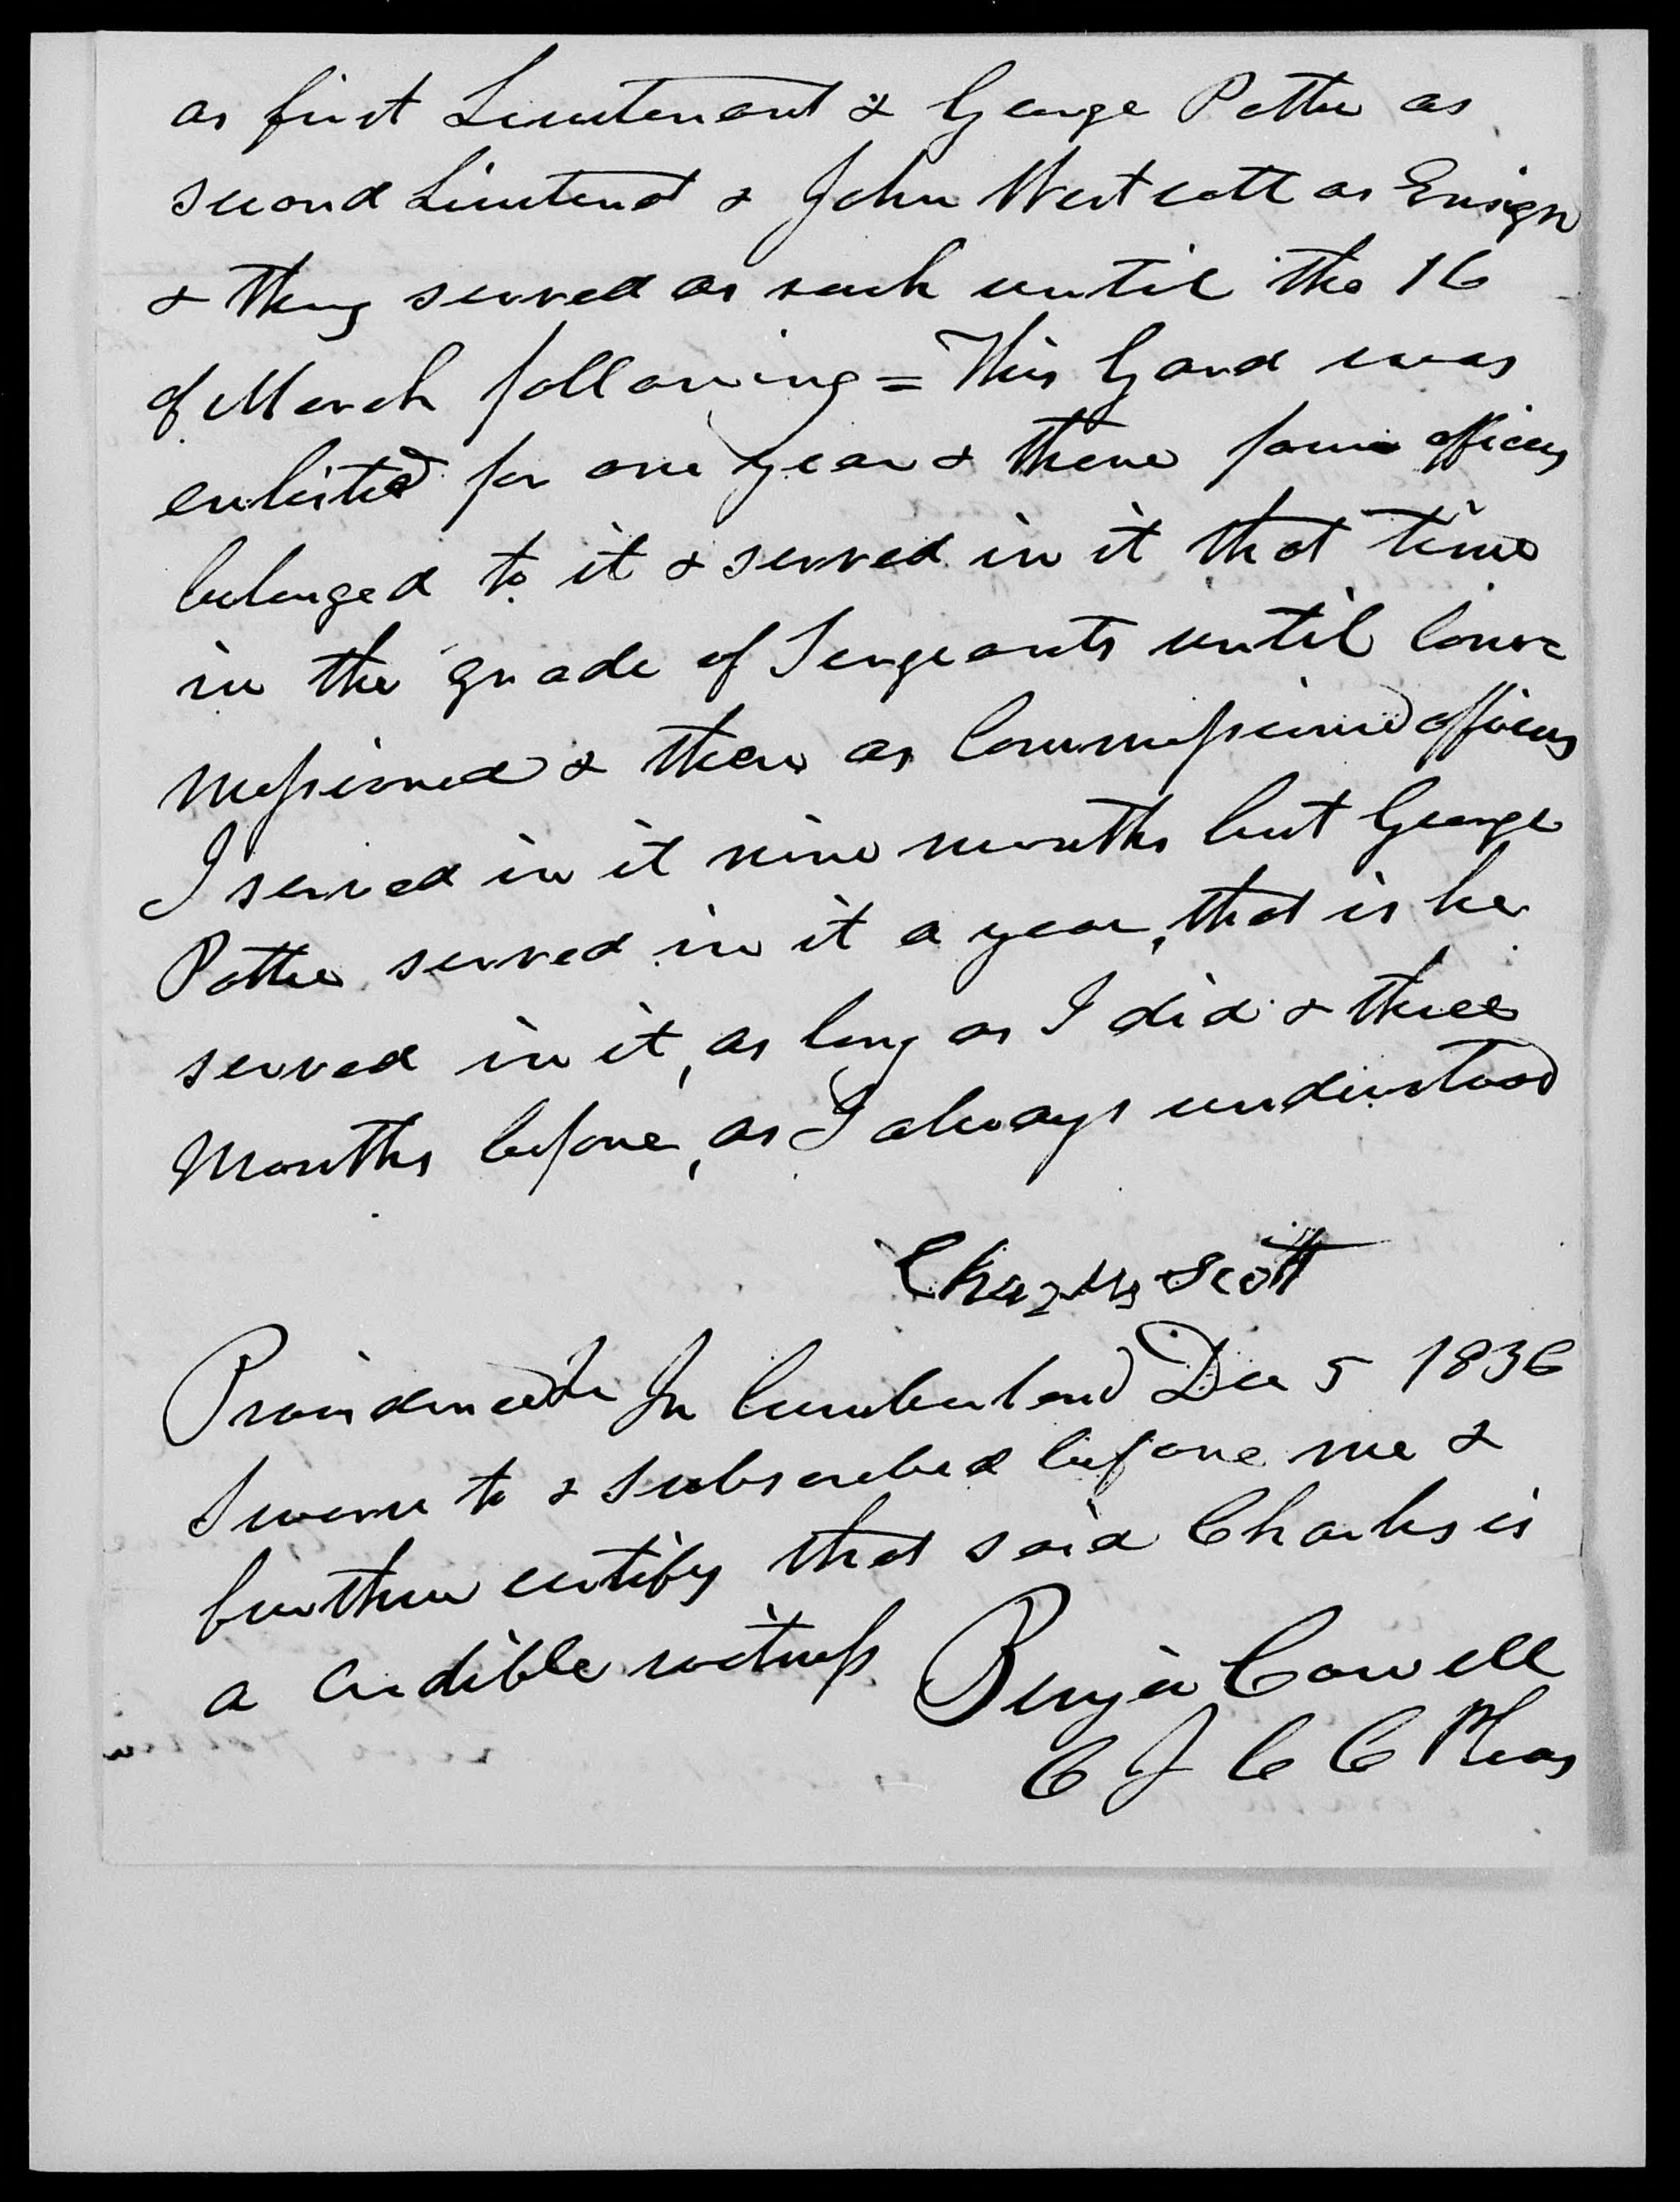as First Lieutenant & George Potter as Second Lieutenant & John Westcott as Ensign & they served as such until the 16 of March following.  This Guard was enlisted for one year & them four officers belonged to it and served in it that time in the grade of Sergeants until commissioned & then as Commissioned officers.  I served in it nine months but George Potter served in it a year, that is he served in it as long as I did & three months before as I aways understood

Charles Scott

Produced in Cumberland Dec 5 1836 sworn to & subscribed before me & further certify that said Charles is a credible witness.

Benja Cowell
C J C C Pleas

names: George Potter; Charles Scott; John Westcott; Benja Cowell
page: 33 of 40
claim: widow's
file: W. 16058, for George Potter, Rhode Island